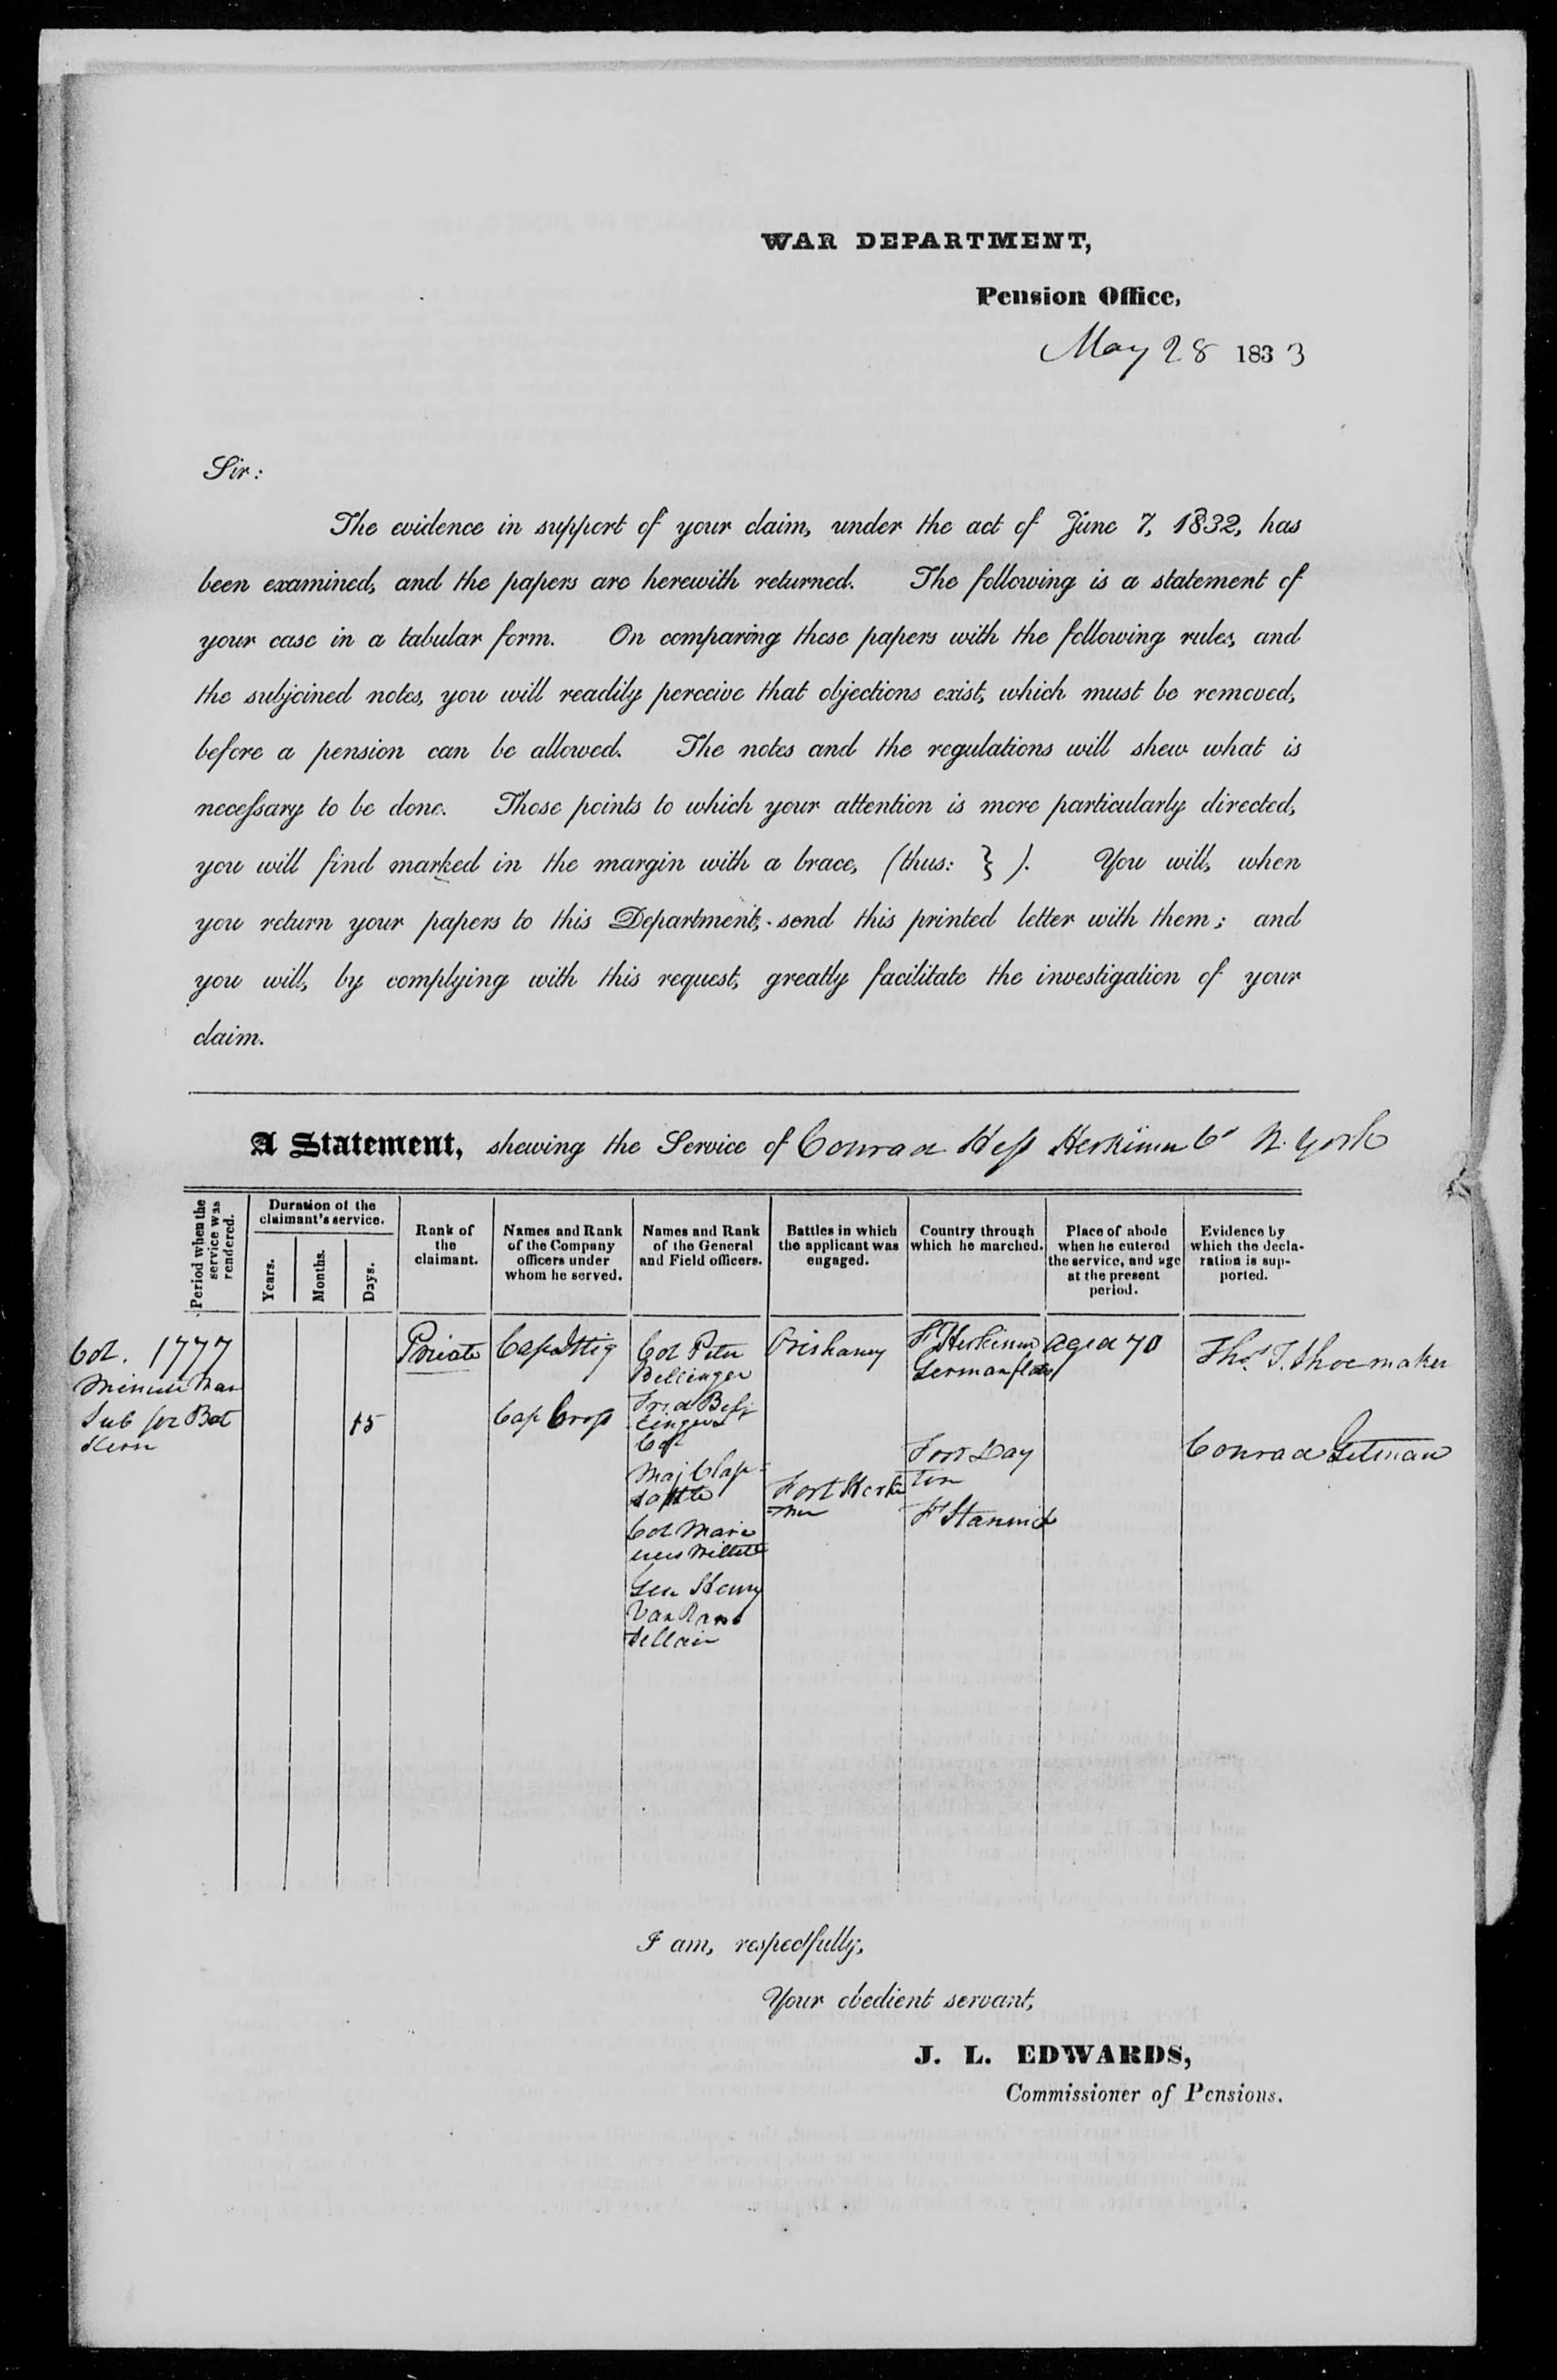[printed and handwritten]

WAR DEPARTMENT,
PENSION OFFICE,
May 28 1833

Sir:
The evidence in support of your claim, under the act of June 7, 1832, has been examined, and the papers are herewith returned. The following is a statement of your case in a tabular form. On comparing these papers with the following rules, and the subjoined notes, you will readily perceive that objections exist which must be removed , before a pension can be allowed. The notes and the regulations will show what is necessary to be done. These points to which your attention is more particularly directed, you will find marked in the margin with a brace, (thus: }).  You will, when you return your papers to this Department, send this printed letter with them; and you will, by complying with this request, greatly facilitate the investigation of your claim. 

A Statement, showing the service of Conrad Hess Herkimer Co N. York
[columns]

Period when the service was rendered
Col. 1777 Minute Man Sub for Bot Kern

Duration of the claimant's service
15 days

Rank of the claimant.
Private [underlined]

Names and Rank of the Company officers under whom he served.
Cap Ittig [,] Cap Gross

Names and Rank of the General and Field officers.
Col Peter Bellinger [,] Fred Bellinger Col [,] Maj Clapsattle [,] Col Marinus Willett [,] Gen Henry Van Rensselaer

Battles in which the applicant was engaged.
Oriskany [,] Fort Herkimer

Country through which he marched.
Ft. Herkimer [,] Germanflatts [,] Fort Dayton [,] Ft. Stanwix

Place of abode when he entered the service, and age at the present period. 
Aged 70

Evidence by which the declaration is supported.
Thos. T. Shoemaker [,] Conrad Getman

I am, respectfully, 
Your obedient servant,
J. L. EDWARDS,
Commissioner of Pensions.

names: Conrad Getman, Ittig, Clapsadle, Marinus Willett, Gross, Henry Van Ranssellair, Peter Bellinger, Fred Bass, J L Edwards, Thos T Shoemaker, Conrad Hess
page: 14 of 30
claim: rejected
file: R. 4927, Conrad Hess, New York